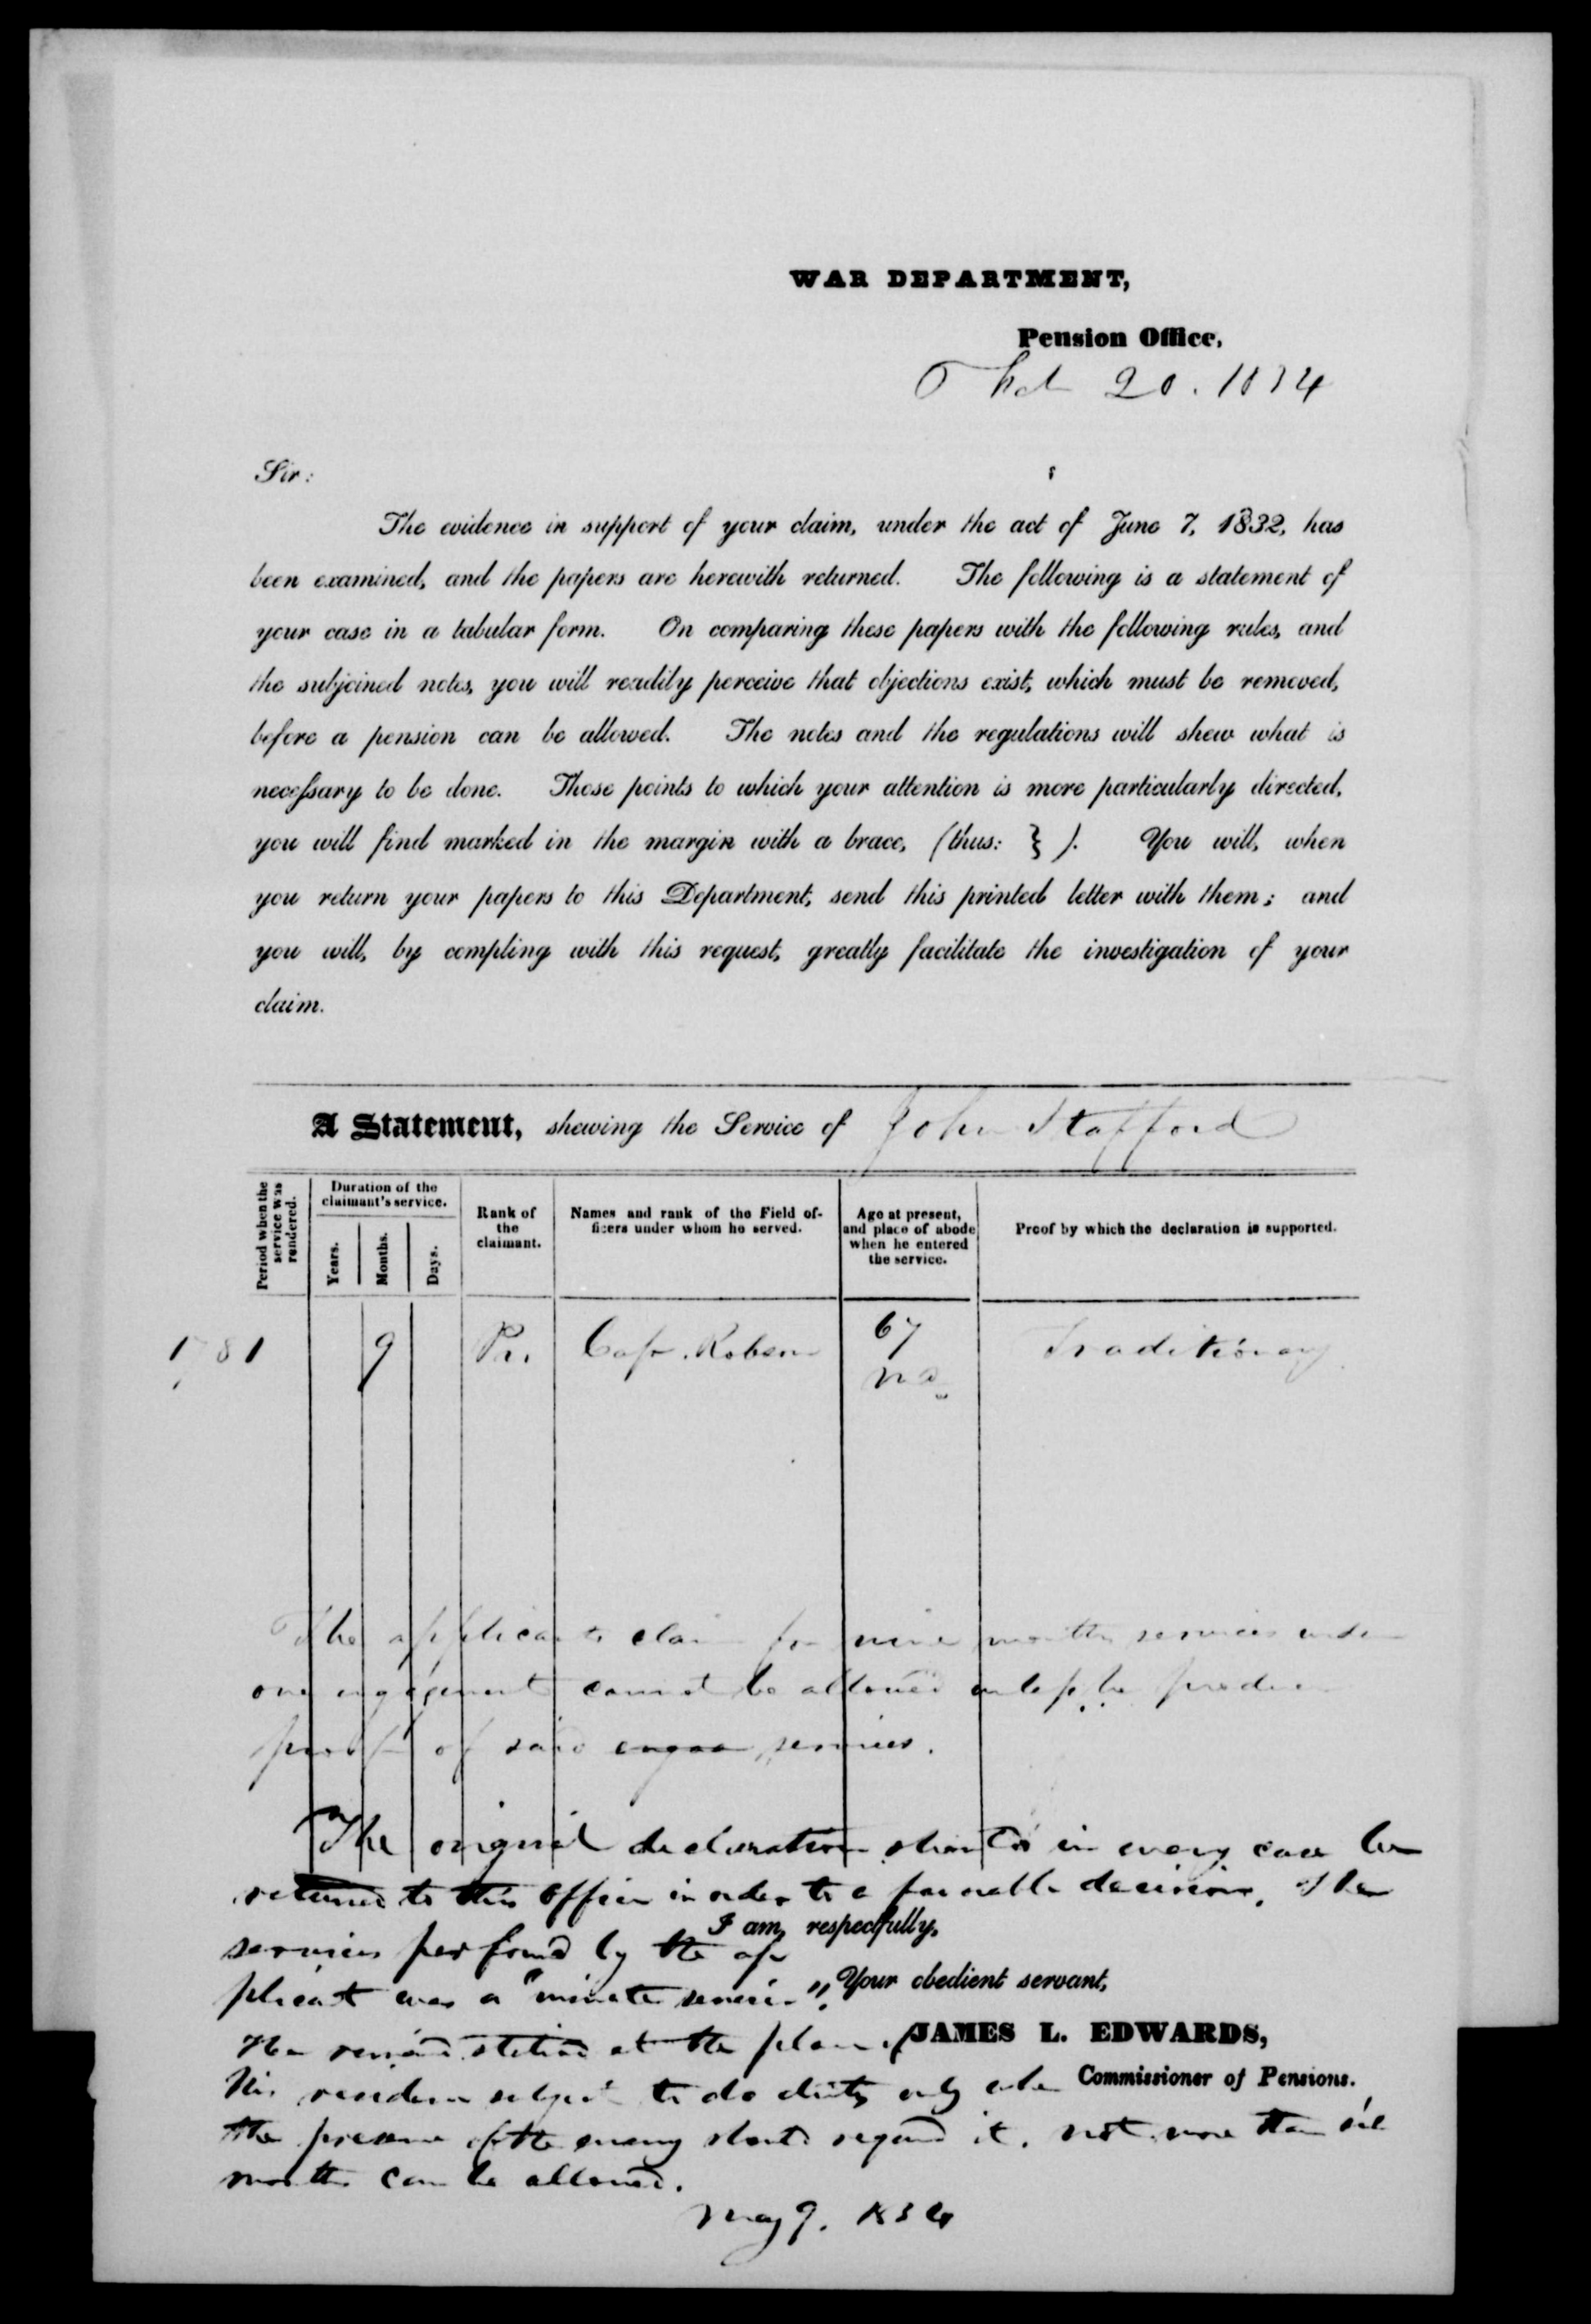War Department 
Pension Office.
Oct 20 1834

Sir: the evidence in support of your claim, under the act of June 7, 1832, has been examined and the papers are herewith returned. The following is your case in a tabular form. On comparing these papers with the following  riles and the subjoined notes, you will readily perceive that objections exist, which must be removed, before a pension can be allowed. the notes and the regulations will shew what is necessary to be done. These points to to which your attention is more particularly directed, you will find marked int he margin with a brace, (thus: } ). You will, when you return your papers to this Department, send this printed letter with them; and you will, by compling with this request, greatly facilitate the investigation of your claim.

A Statement, shewing the Service of John Stafford

Period when the service was rendered……1781

Duration of the claimant’s service
Years…………[empty]
Months………9
Days………….[empty]

Rank of the claimant……..Prv
Name and rand of the Field officers under whom he served……Cap. Robson
Age at present, and place of abode when he entered the service…..67  Md
Proof by which the declaration is supported…..Traditionary

The applicants claim for nine months services and one engagement cannot be allowed unless he produces proof of said engage services.

The original declarationheeto in every case be returned to this officer in order to a favorable decision. The services performed by the  by the applicant was a “minuteman”. He remained stationed at the place. His rendered object to do duty ends when the presence of the enemy Nat.[?] regard it, not, more than one month can be allowed
May 7, 1836

I am respectfully,
Your obedient servant,
James L Edwards,
Commissioner of Pensions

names: James L Edwards; John Stafford; [BLANK] Robson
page: 10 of 61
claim: widow's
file: W. 11554, for John Stafford, Maryland